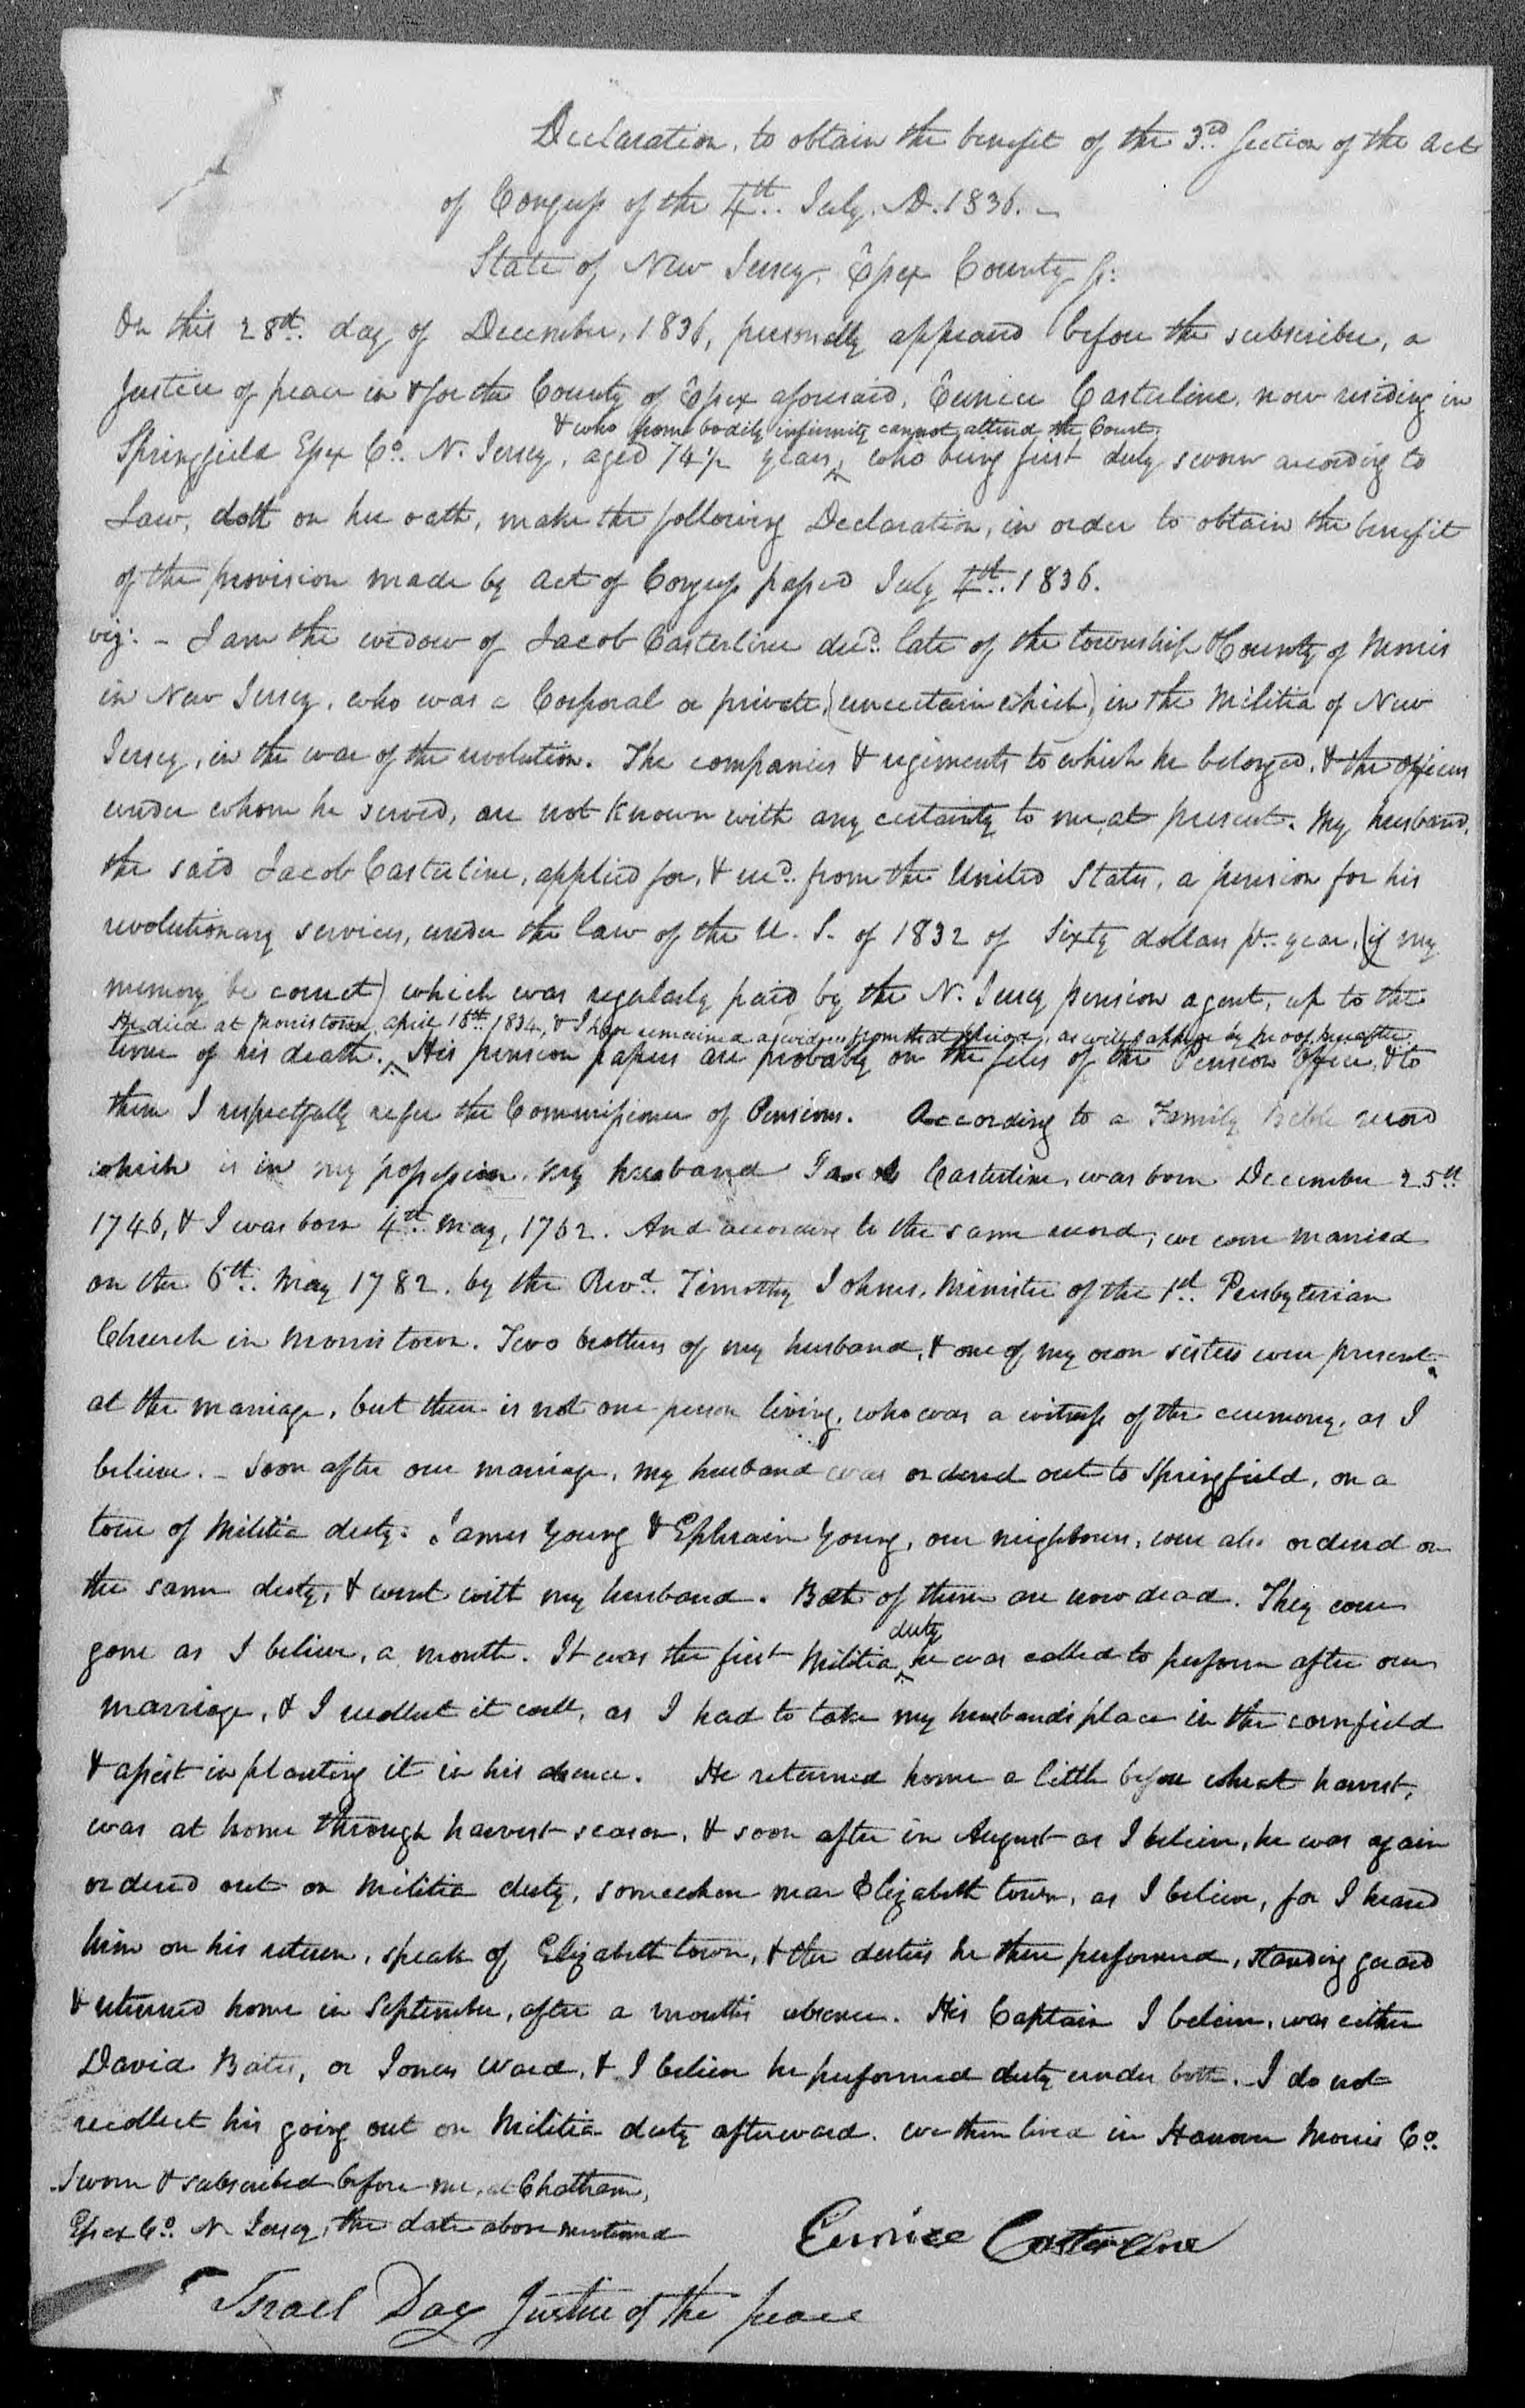Declaration, to obtain the benefit of the 3rd Section of the Act
Of Congress of the 4th July AD 1836

State of New Jersey, Essex County:

On this 28th day of December 1836, personally appeared before the subscriber, a Justice of peace in & for the County of Essex aforesaid, Eunice Casterline, aged 74 ½ years, now residing in Springfield Essex Co. N. Jersey & who from bodily infirmity cannot attend the Court, who being first duly sworn according to Law, doth on her oath, make the following Declaration in order to obtain the benefit of the provision made by Act of Congress passed July 4th 1836.

Viz: - I am the widow of Jacob Casterline dec’d late of the township & County of Morris in New Jersey, who was a Corporal or private (uncertain which), in the militia of New Jersey, in the war of the revolution. The companies & regiments to which he belonged, & the officers under whom he served, are not known with any certainty to me, at present. My husband the said Jacob Casterline, applied for & rec’d from the United States, a pension for his revolutionary services under the law of the U.S. of 1832 of sixty dollars pr year, (if my memory be correct) which was regularly paid by the N. Jersey pension agent, up the time of his death. He died at Morristown, April 16th 1834, & I have remained a widow from that period, as will appear by proof hereafter. His pension papers are probably on the files of the Pension Office, & to them I respectfully refer the Commissioner of Pensions. According to a Family Bible record which is in my possession, my husband Jacob Casterline, was born December 25th 1746, & I was born 4th May 1762. And according to the same record, we were married on the 6th May 1782, by the Revd Timothy Johnes, Minister of the 1st Presbyterian Church in Morristown. Two brothers of my husband, & one of my own sisters were present at the marriage, but there is not one person living, who was a witness of the ceremony, as I believe. Soon after our marriage, my husband was ordered out to Springfield, on a tour of Militia duty. James Young & Ephraim Young, our neighbours, were also ordered on the same duty, & went with my husband. Both of them are now dead. They were gone as I believe, a month. It was the first militia duty he was called to perform after our marriage, & recollect it well, as I had to take my husband’s place in the cornfield & assist in planting it in his absence. He returned home a little before wheat harvest, was at home through harvest season, & soon after in August as I believe, he was again ordered out on militia duty, somewhere near Elizabeth town, as I believe, for a heard him on his return, speak of Elizabethtown, & the duties he there performed, standing guard & returned home in September, after a month’s absence. His Captain I believe, was either David Bates, or Jonas Ward, & I believe he performed duty under both. I do not recollect his going out on Militia duty afterwards. We then lived in Hanover Morris Co. 

Sworn & subscribed before me, at Chatham,
Essex Co N. Jersey, the date above mentioned.

Eunice Casterline

Israel Day Justice of the Peace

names: Jacob Casterline, David Bates, James Young, Ephraim Young, Eunice Casterline, Israel Day, Jacob Casterline, Eunice Casterline, Timothy Johnes, Jacob Casterline, Jones Ward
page: 10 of 38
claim: widow's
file: W. 6644, Jacob Casterline, New Jersey